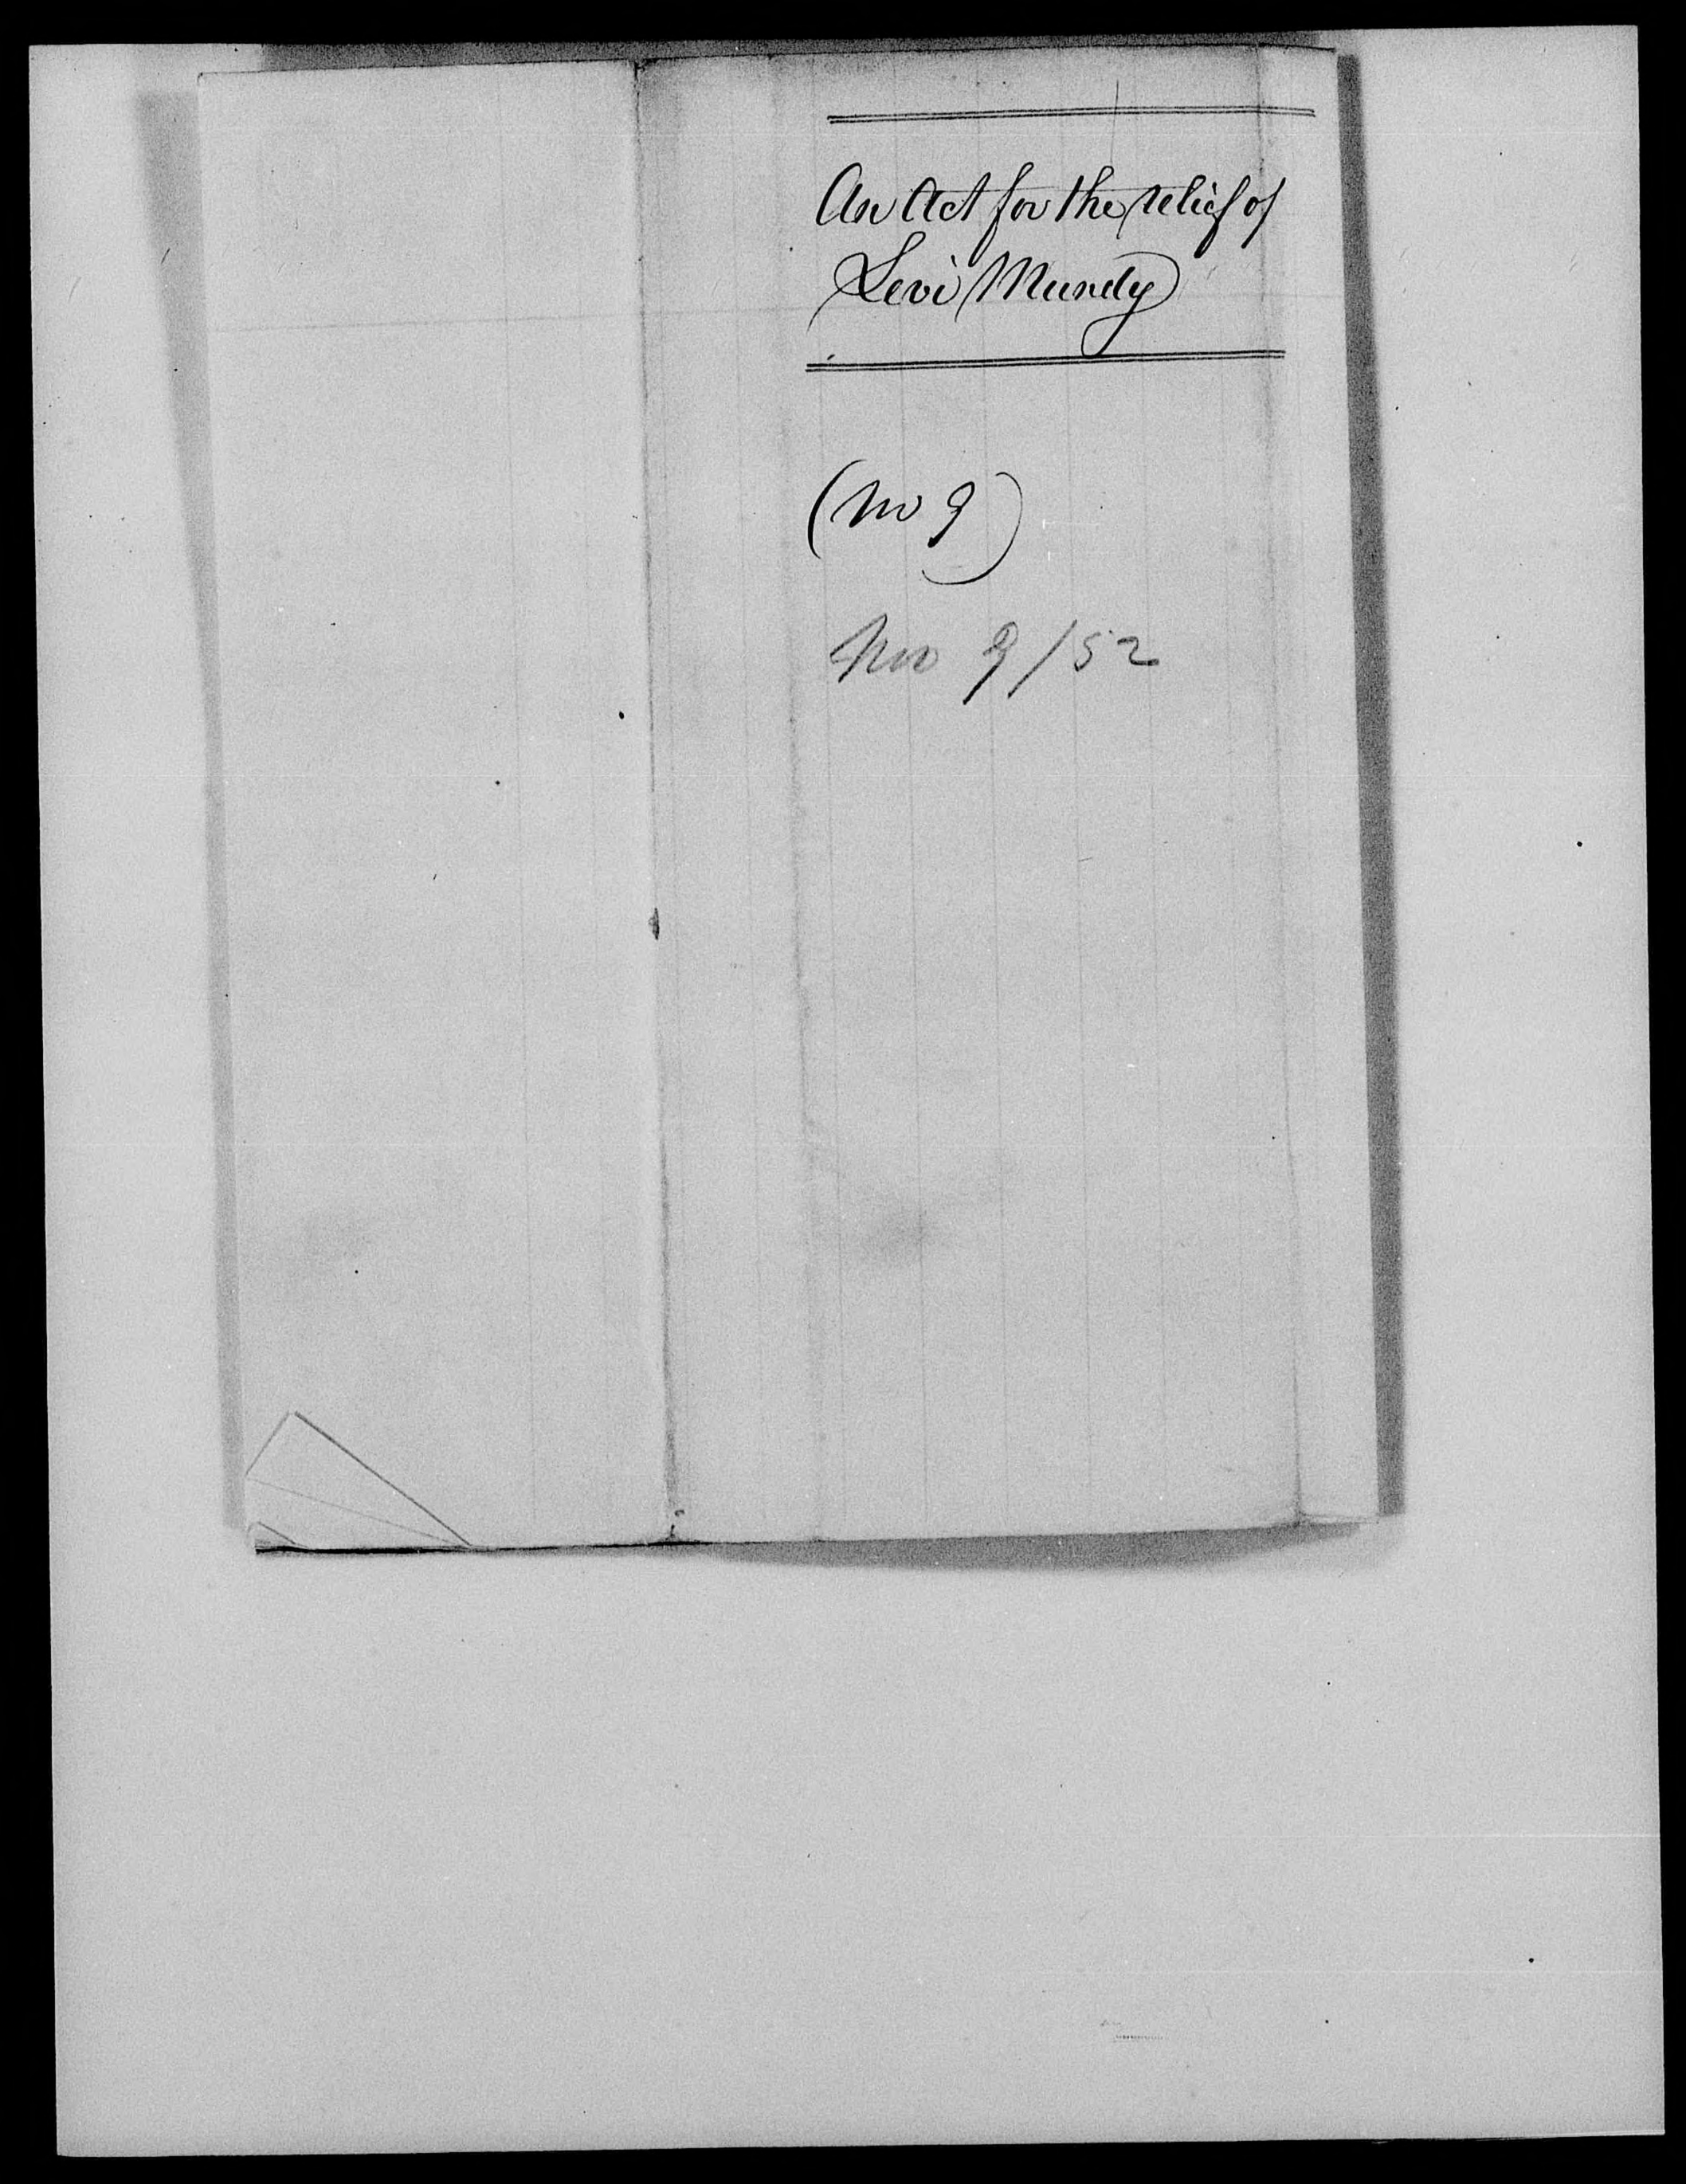An act for the relief of Levi Mundy.
(No. 9)
Jun. 9/'52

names: Levi Mundy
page: 77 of 95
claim: survivor's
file: S 2889, for Levi Mundy, New Jersey